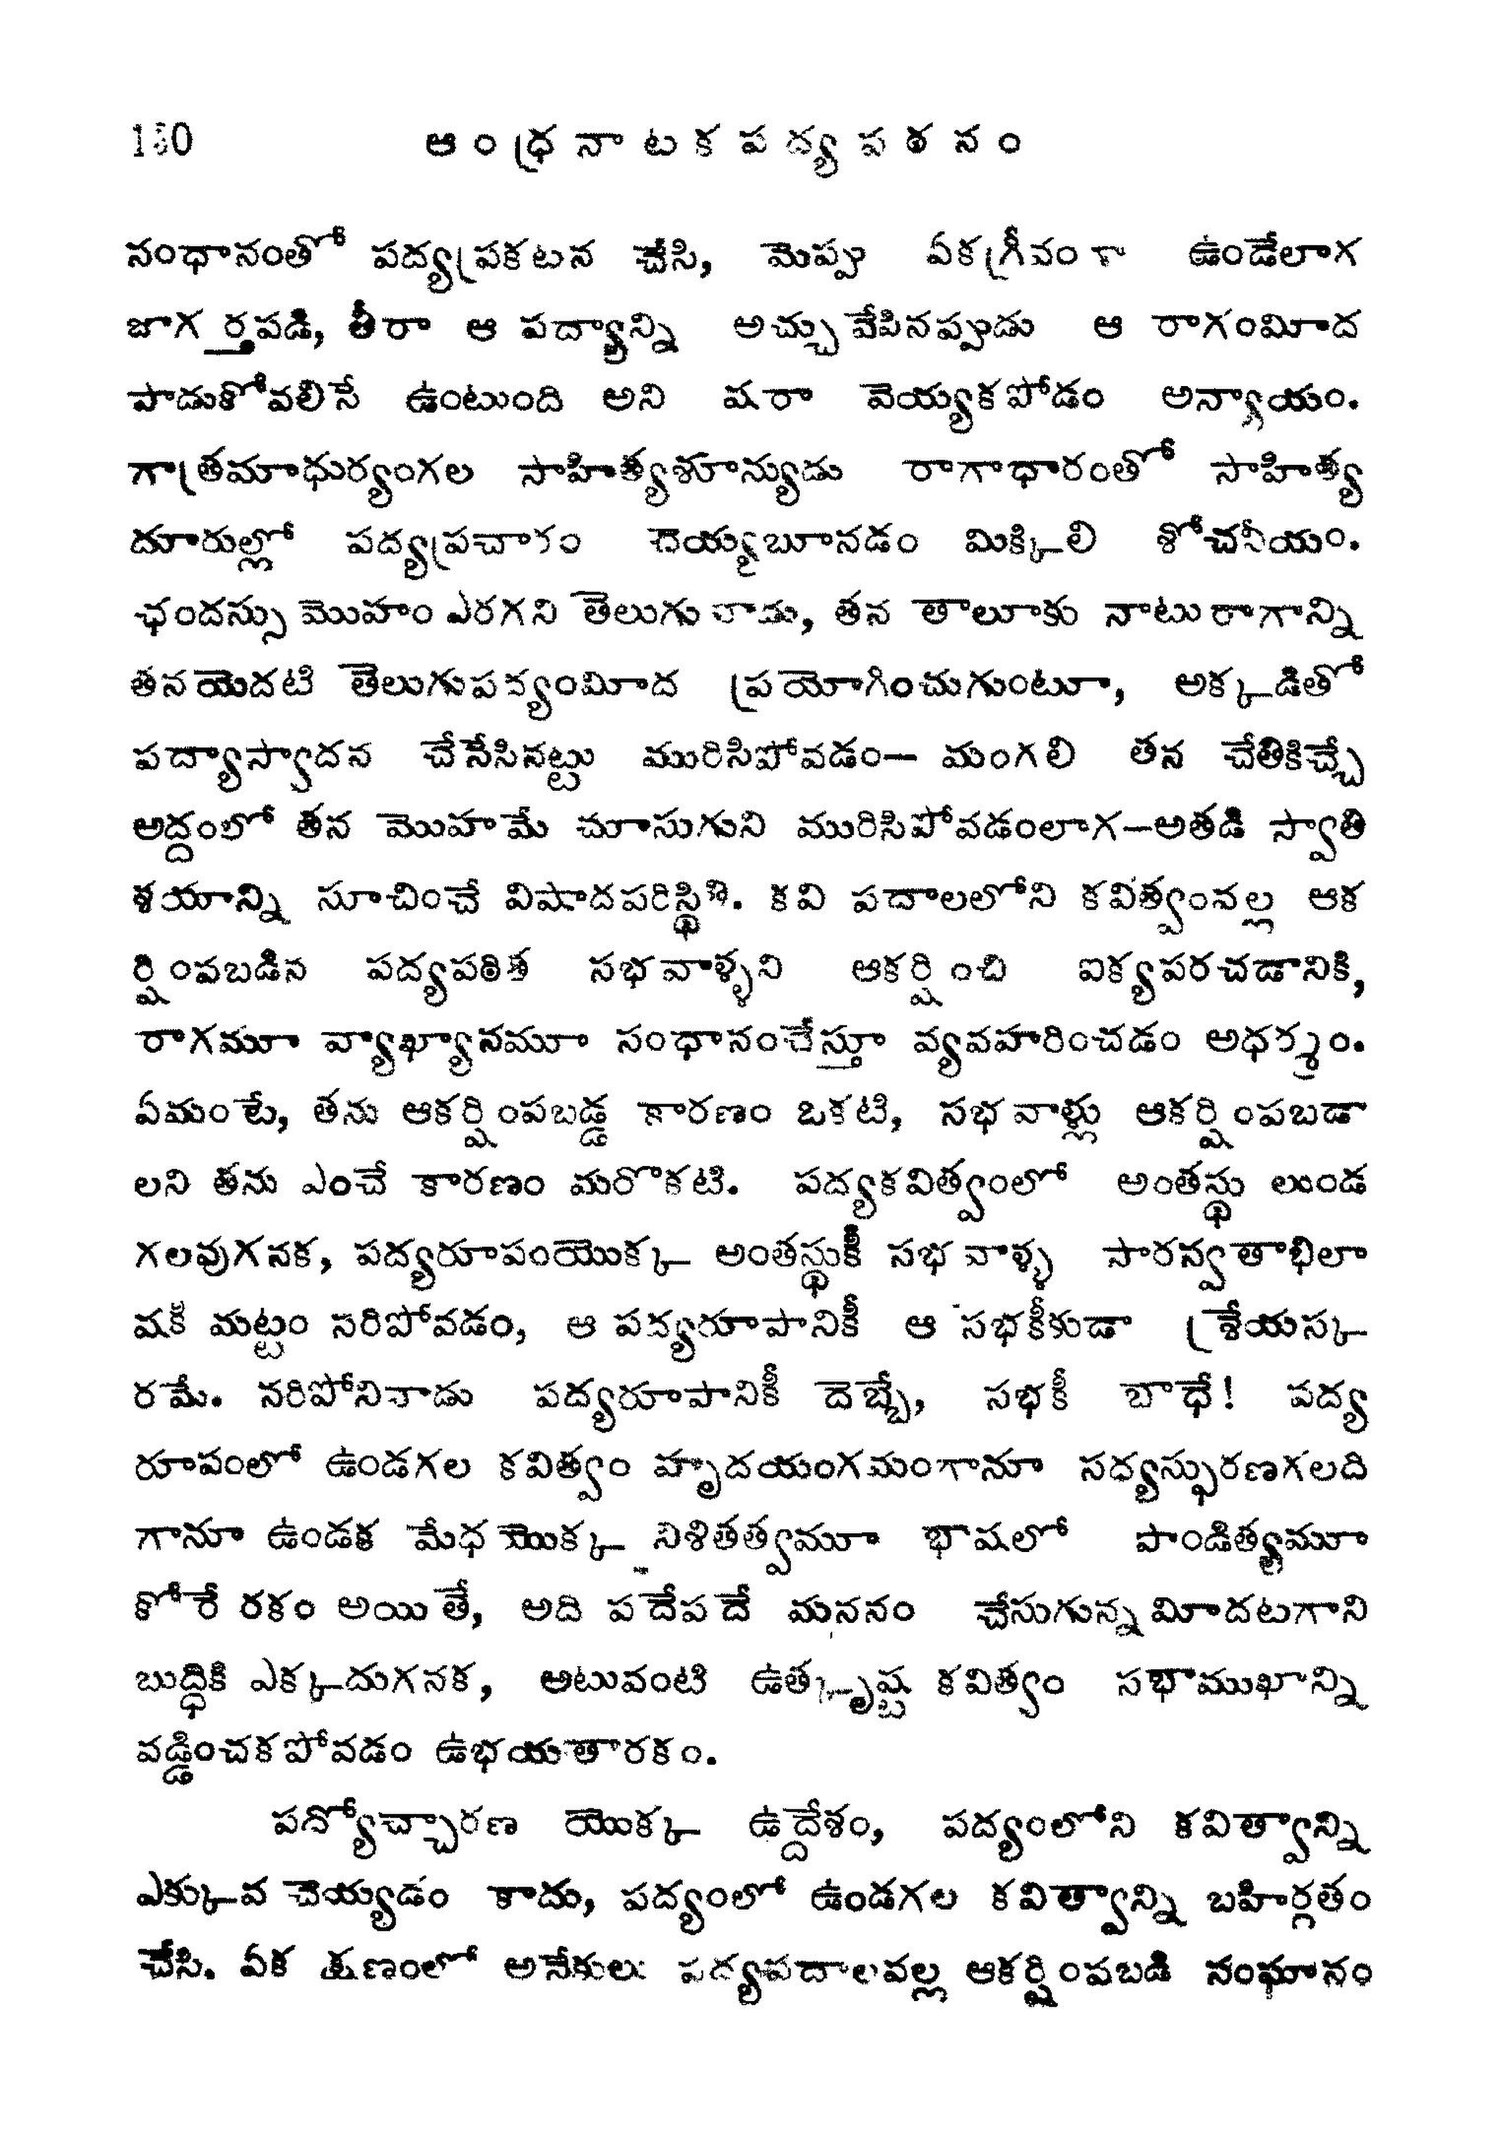సంధానంతో పద్యప్రకటన చేసి, మెప్పు ఏకగ్రీవంగా ఉండేలాగ
జాగర్తపడి, తీరా ఆ పద్యాన్ని అచ్చువేసినప్పుడు ఆ రాగంమీద
పాడుకోవలిసే ఉంటుంది అని షరా వెయ్యకపోడం అన్యాయం.
గాత్రమాధుర్యంగల సాహిత్యశూన్యుడు రాగాధారంతో సాహిత్య
దూరుల్లో పద్యప్రచారం చెయ్యబూనడం మిక్కిలి శోచనీయం.
ఛందస్సు మొహం ఎరగని తెలుగువాడు, తన తాలూకు నాటురాగాన్ని
తనయెదటి తెలుగుపద్యంమీద ప్రయోగించుగుంటూ, అక్కడితో
పద్యాస్వాదన చేసేసినట్టు మురిసిపోవడం– మంగలి తన చేతికిచ్చే
అద్దంలో తన మొహమే చూసుగుని మురిసిపోవడంలాగ - అతడి స్వాతి
శయాన్ని సూచించే విషాదపరిస్థితి. కవి పదాలలోని కవిత్వంవల్ల ఆక
ర్షింపబడిన పద్యపఠిత సభవాళ్ళని ఆకర్షించి ఐక్యపరచడానికి,
రాగమూ వ్యాఖ్యానమూ సంధానంచేస్తూ వ్యవహరించడం అధర్మం.
ఏమంటే, తను ఆకర్షింపబడ్డ కారణం ఒకటి, సభవాళ్లు ఆకర్షింపబడా
లని తను ఎంచే కారణం మరొకటి. పద్యకవిత్వంలో అంతస్థు లుండ
గలవుగనక, పద్యరూపంయొక్క అంతస్థుకీ సభవాళ్ళ సారస్వతాభిలా
షకి మట్టం సరిపోవడం, ఆ పద్యరూపానికీ ఆ సభకీకుడా శ్రేయస్క
రమే. సరిపోనినాడు పద్యరూపానికీ దెబ్బే, సభకీ బాధే! పద్య
రూపంలో ఉండగల కవిత్వం హృదయంగమంగానూ సద్యస్ఫురణగలది
గానూ ఉండక మేధయొక్క నిశితత్వమూ భాషలో పాండిత్యమూ
కోరే రకం అయితే, అది పదేపదే మననం చేసుగున్నమీదటగాని
బుద్ధికి ఎక్కదుగనక, అటువంటి ఉత్కృష్ట కవిత్వం సభాముఖాన్ని
వడ్డించకపోవడం ఉభయతారకం.

పద్యోచ్చారణ యొక్క ఉద్దేశం, పద్యంలోని కవిత్వాన్ని
ఎక్కువ చెయ్యడం కాదు, పద్యంలో ఉండగల కవిత్వాన్ని బహిర్గతం
చేసి, ఏక క్షణంలో అనేకులు పద్యపదాలవల్ల ఆకర్షింపబడి సంఘానం